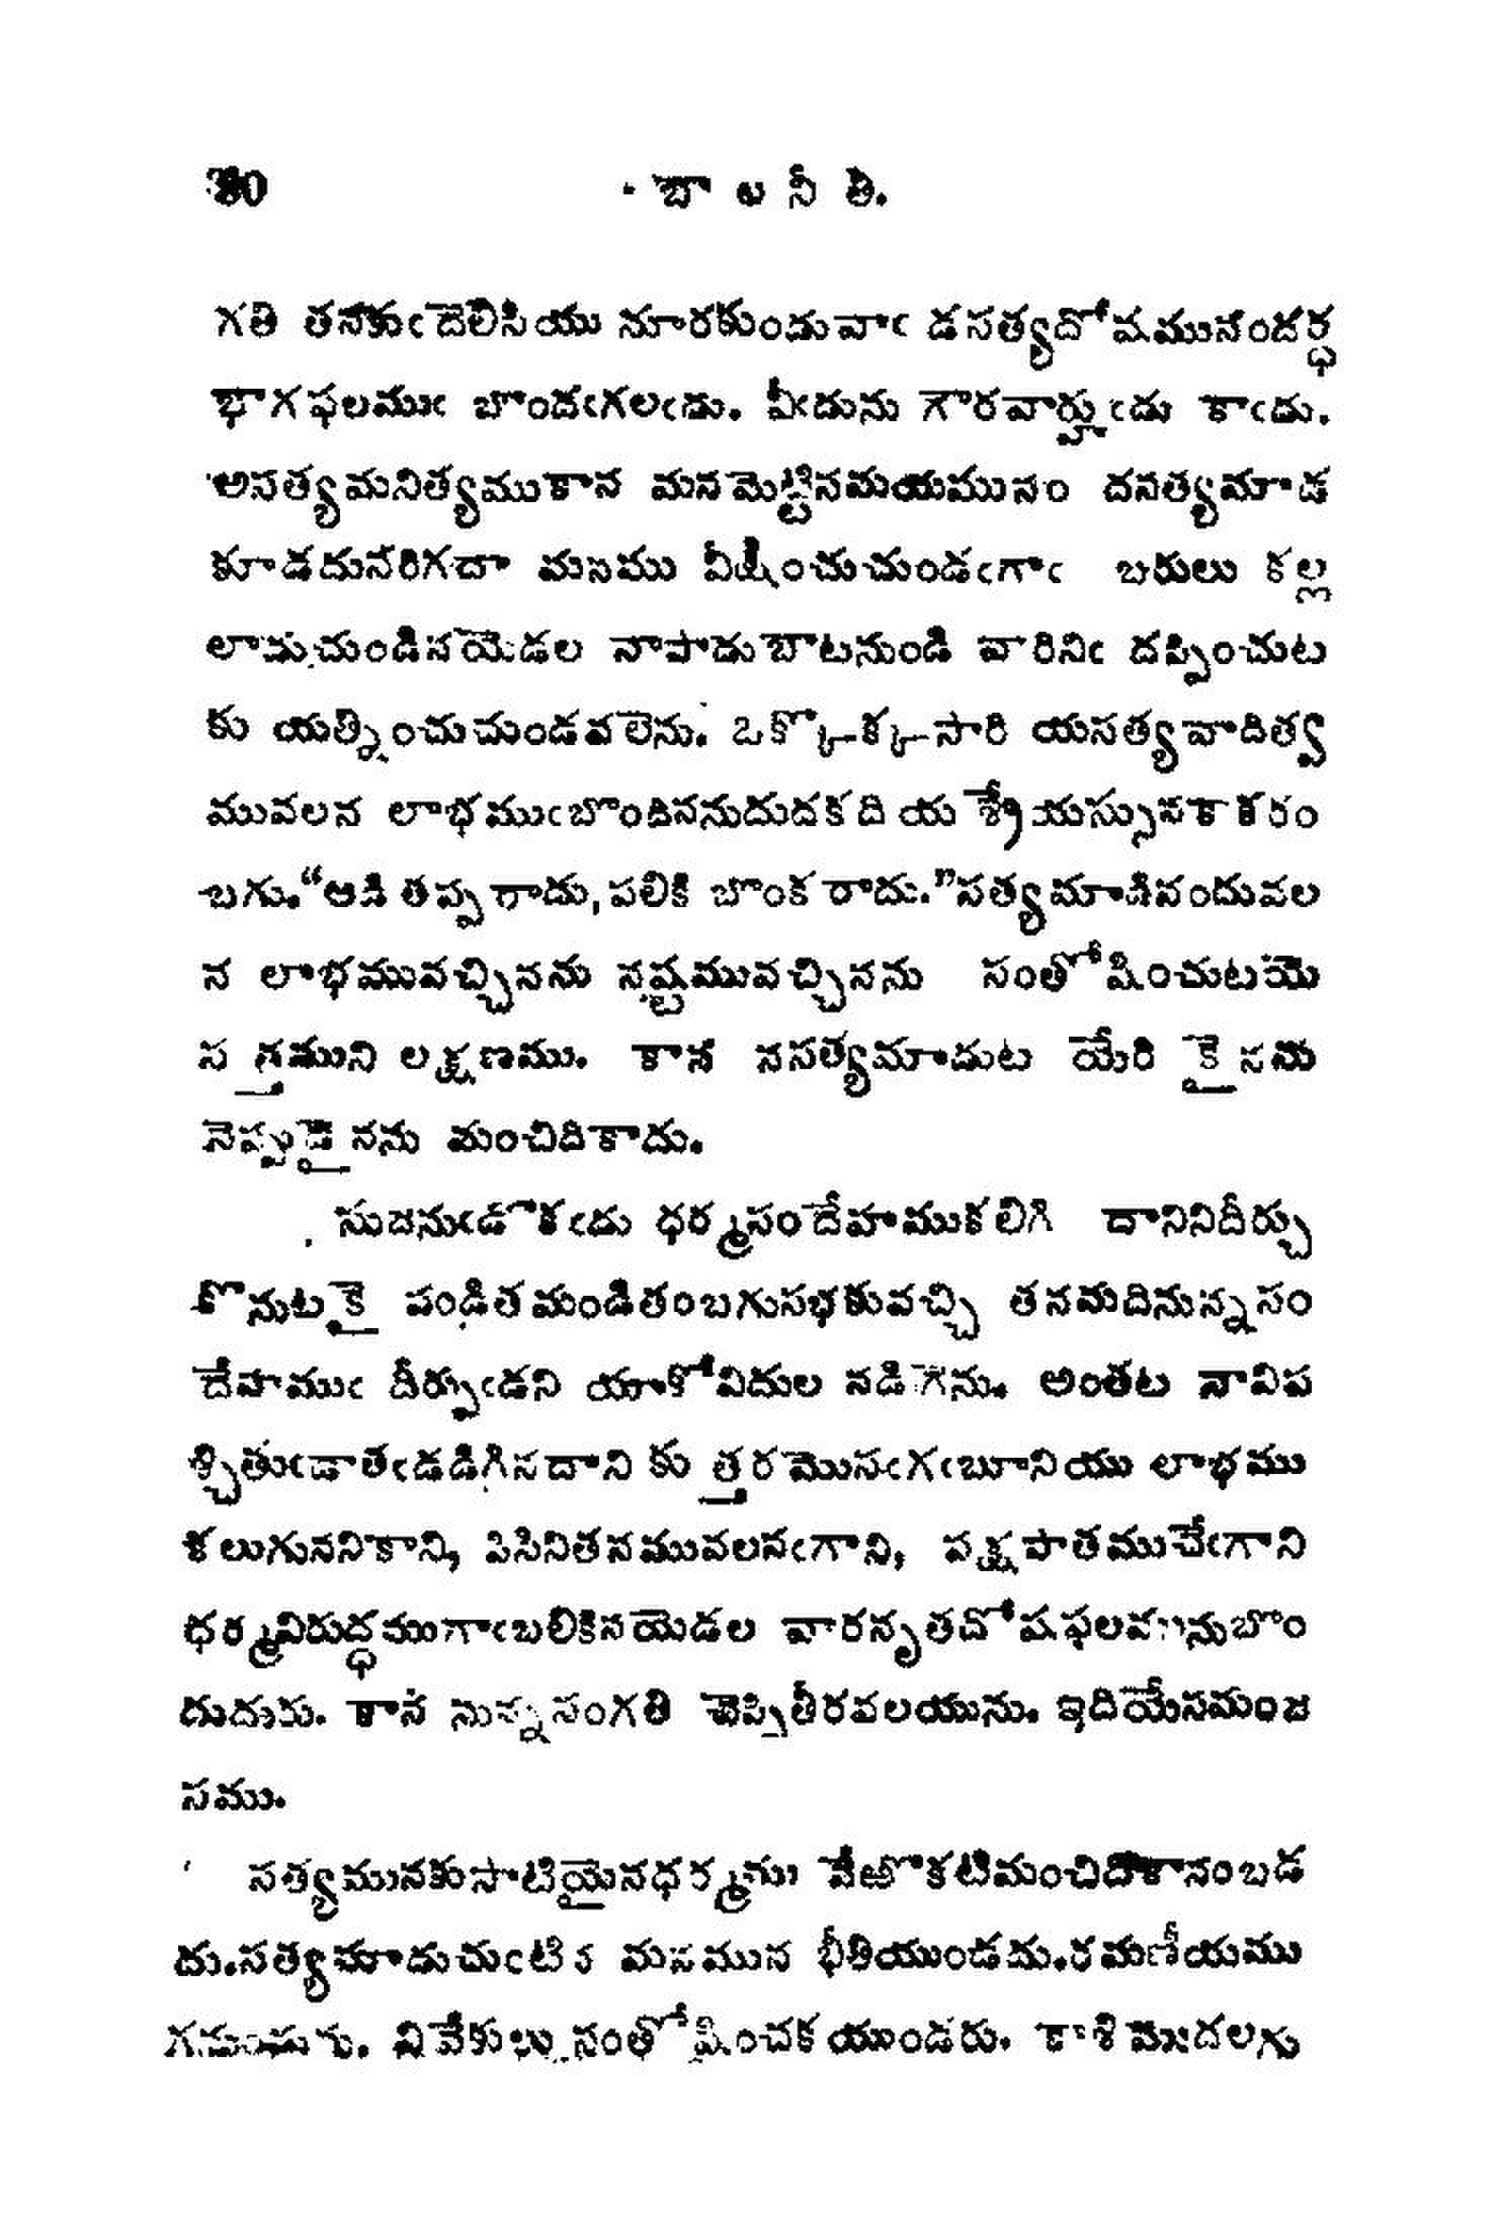గతి తనకుఁదెలిసియు నూరకుండువాఁ డసత్యదోషమునందర్ధ
భాగఫలముఁ బొందఁగలఁడు. వీఁడును గౌరవార్హుఁడు కాఁడు. 
అసత్యమనిత్యముకాన మనమెట్టిసమయమునం దసత్యమాడ 
కూడదుసరిగదా మనము వీక్షించుచుండఁగాఁ బరులు కల్ల
లాడుచుండినయెడల నాపాడుబాటనుండి వారినిఁ దప్పించుట
కు యత్నించుచుండవలెను. ఒక్కొక్కసారి యసత్యవాదిత్వ
మువలన లాభముఁబొందిననుదుదకది య శ్రేయస్సునకాకరం
బగు. "ఆడి తప్పరాదు, పలికి బొంకరాదు. "సత్యమాడినందువల
న లాభమువచ్చినను నష్టమువచ్చినను సంతోషించుటయె 
సత్తముని లక్షణము. కాన నసత్యమాడుట యేరి కైనను 
నెప్పుడైనను మంచిదికాదు.

సుజనుఁడొకఁడు ధర్మసందేహముకలిగి దానినిదీర్చు 
కొనుటకై పండితమండితంబగుసభకువచ్చి తనమదినున్నసం
దేహముఁ దీర్పుఁడని యాకోవిదుల నడిగెను. అంతట వానిప
శ్చితుఁడాతఁడడిగినదాని కుత్తరమొసఁగఁబూనియు లాభము
కలుగుననికాని, పిసినితనమువలనఁగాని, పక్షపాతముచేఁగాని 
ధర్మవిరుద్ధముగాఁబలికినయెడల వారనృతదోషఫలమునుబొం
దుదురు. కాన నున్నసంగతి చెప్పితీరవలయును. ఇదియే సమంజ
సము.

సత్యమునకుసాటియైనధర్మము వేఱొకటిమంచిదికానంబడ
దు. సత్యమాడుచుంటివ మనమున భీతియుండదు. రమణీయము
గనుండును. వివేకులు సంతోషించకయుండరు. కాశిమొదలగు